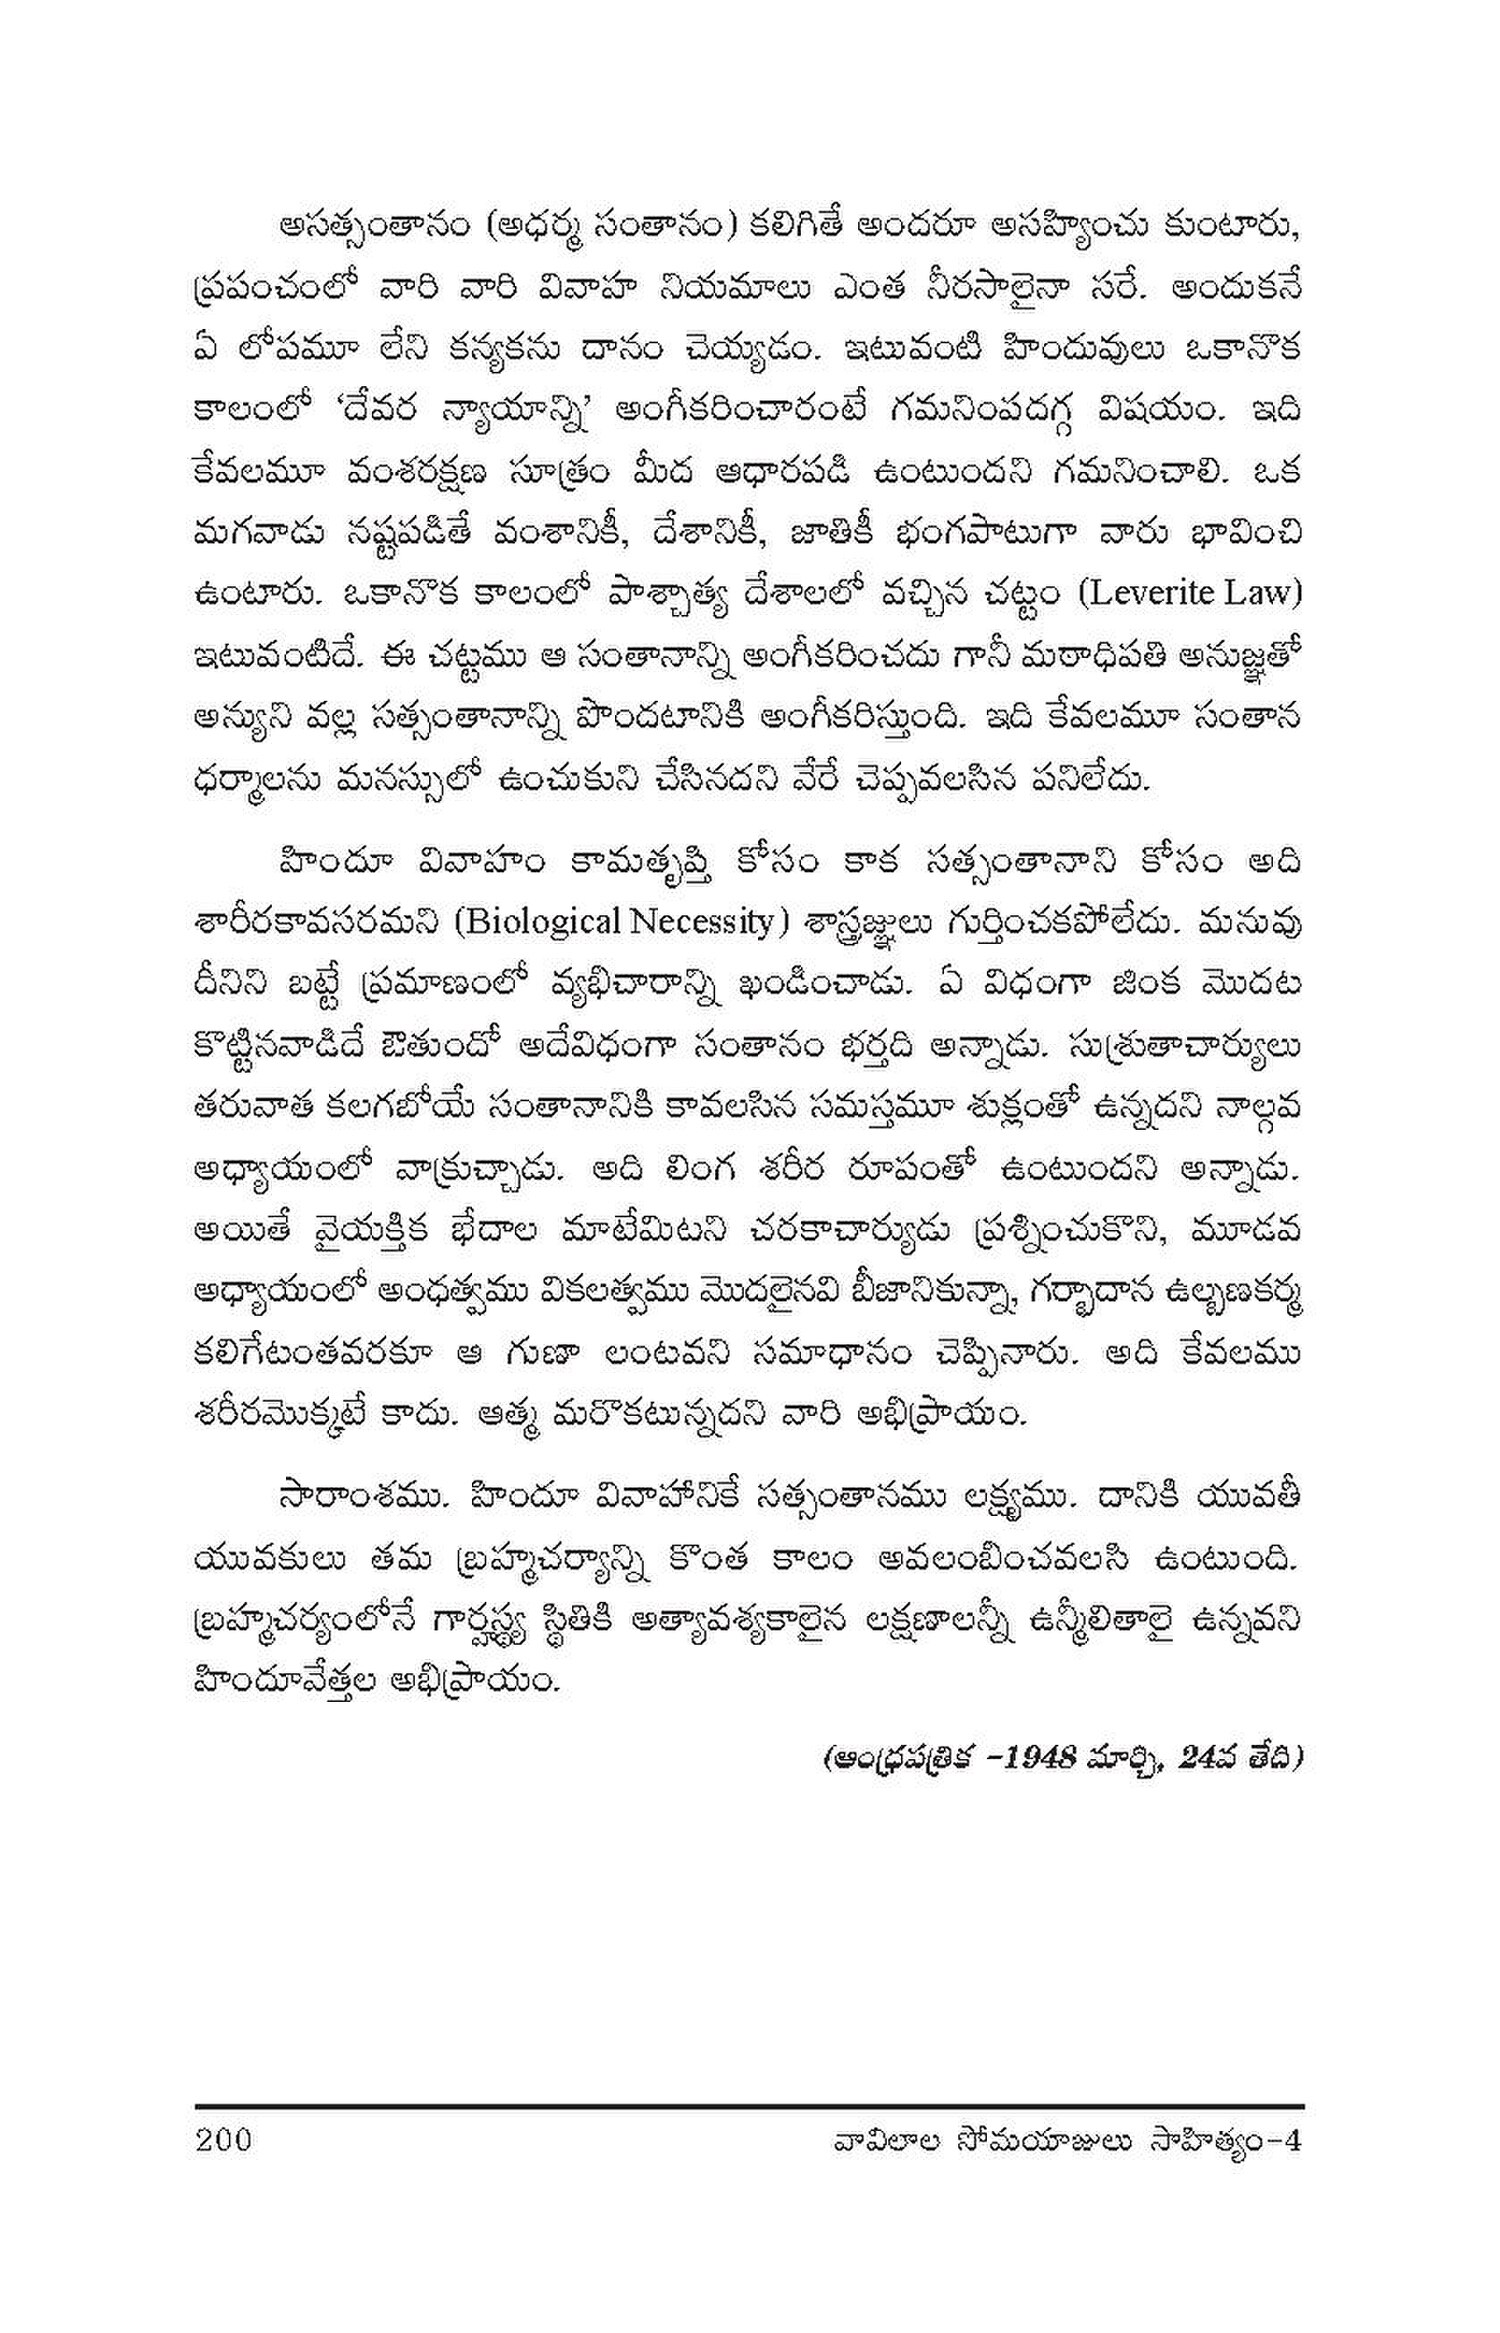అసత్సంతానం (అధర్మ సంతానం) కలిగితే అందరూ అసహ్యించు కుంటారు,
ప్రపంచంలో వారి వారి వివాహ నియమాలు ఎంత నీరసాలైనా సరే. అందుకనే
ఏ లోపమూ లేని కన్యకను దానం చెయ్యడం. ఇటువంటి హిందువులు ఒకానొక
కాలంలో 'దేవర న్యాయాన్ని' అంగీకరించారంటే గమనింపదగ్గ విషయం. ఇది
కేవలమూ వంశరక్షణ సూత్రం మీద ఆధారపడి ఉంటుందని గమనించాలి. ఒక
మగవాడు నష్టపడితే వంశానికీ, దేశానికీ, జాతికీ భంగపాటుగా వారు భావించి
ఉంటారు. ఒకానొక కాలంలో పాశ్చాత్య దేశాలలో వచ్చిన చట్టం (Leverite Law)
ఇటువంటిదే. ఈ చట్టము ఆ సంతానాన్ని అంగీకరించదు గానీ మఠాధిపతి అనుజ్ఞతో
అన్యుని వల్ల సత్సంతానాన్ని పొందటానికి అంగీకరిస్తుంది. ఇది కేవలమూ సంతాన
ధర్మాలను మనస్సులో ఉంచుకుని చేసినదని వేరే చెప్పవలసిన పనిలేదు.

హిందూ వివాహం కామతృప్తి కోసం కాక సత్సంతానాని కోసం అది
శారీరకావసరమని (Biological Necessity ) శాస్త్రజ్ఞులు గుర్తించకపోలేదు. మనువు
దీనిని బట్టే ప్రమాణంలో వ్యభిచారాన్ని ఖండించాడు. ఏ విధంగా జింక మొదట
కొట్టినవాడిదే ఔతుందో అదేవిధంగా సంతానం భర్తది అన్నాడు. సుశ్రుతాచార్యులు
తరువాత కలగబోయే సంతానానికి కావలసిన సమస్తమూ శుక్లంతో ఉన్నదని నాల్గవ
అధ్యాయంలో వాక్రుచ్చాడు. అది లింగ శరీర రూపంతో ఉంటుందని అన్నాడు.
అయితే వైయక్తిక భేదాల మాటేమిటని చరకాచార్యుడు ప్రశ్నించుకొని, మూడవ
అధ్యాయంలో అంధత్వము వికలత్వము మొదలైనవి బీజానికున్నా, గర్భాదాన ఉల్బణకర్మ
కలిగేటంతవరకూ ఆ గుణా లంటవని సమాధానం చెప్పినారు. అది కేవలము
శరీరమొక్కటే కాదు. ఆత్మ మరొకటున్నదని వారి అభిప్రాయం.

సారాంశము. హిందూ వివాహానికే సత్సంతానము లక్ష్యము. దానికి యువతీ
యువకులు తమ బ్రహ్మచర్యాన్ని కొంత కాలం అవలంబించవలసి ఉంటుంది.
బ్రహ్మచర్యంలోనే గార్హస్థ్య స్థితికి అత్యావశ్యకాలైన లక్షణాలన్నీ ఉన్మీలితాలై ఉన్నవని
హిందూవేత్తల అభిప్రాయం.